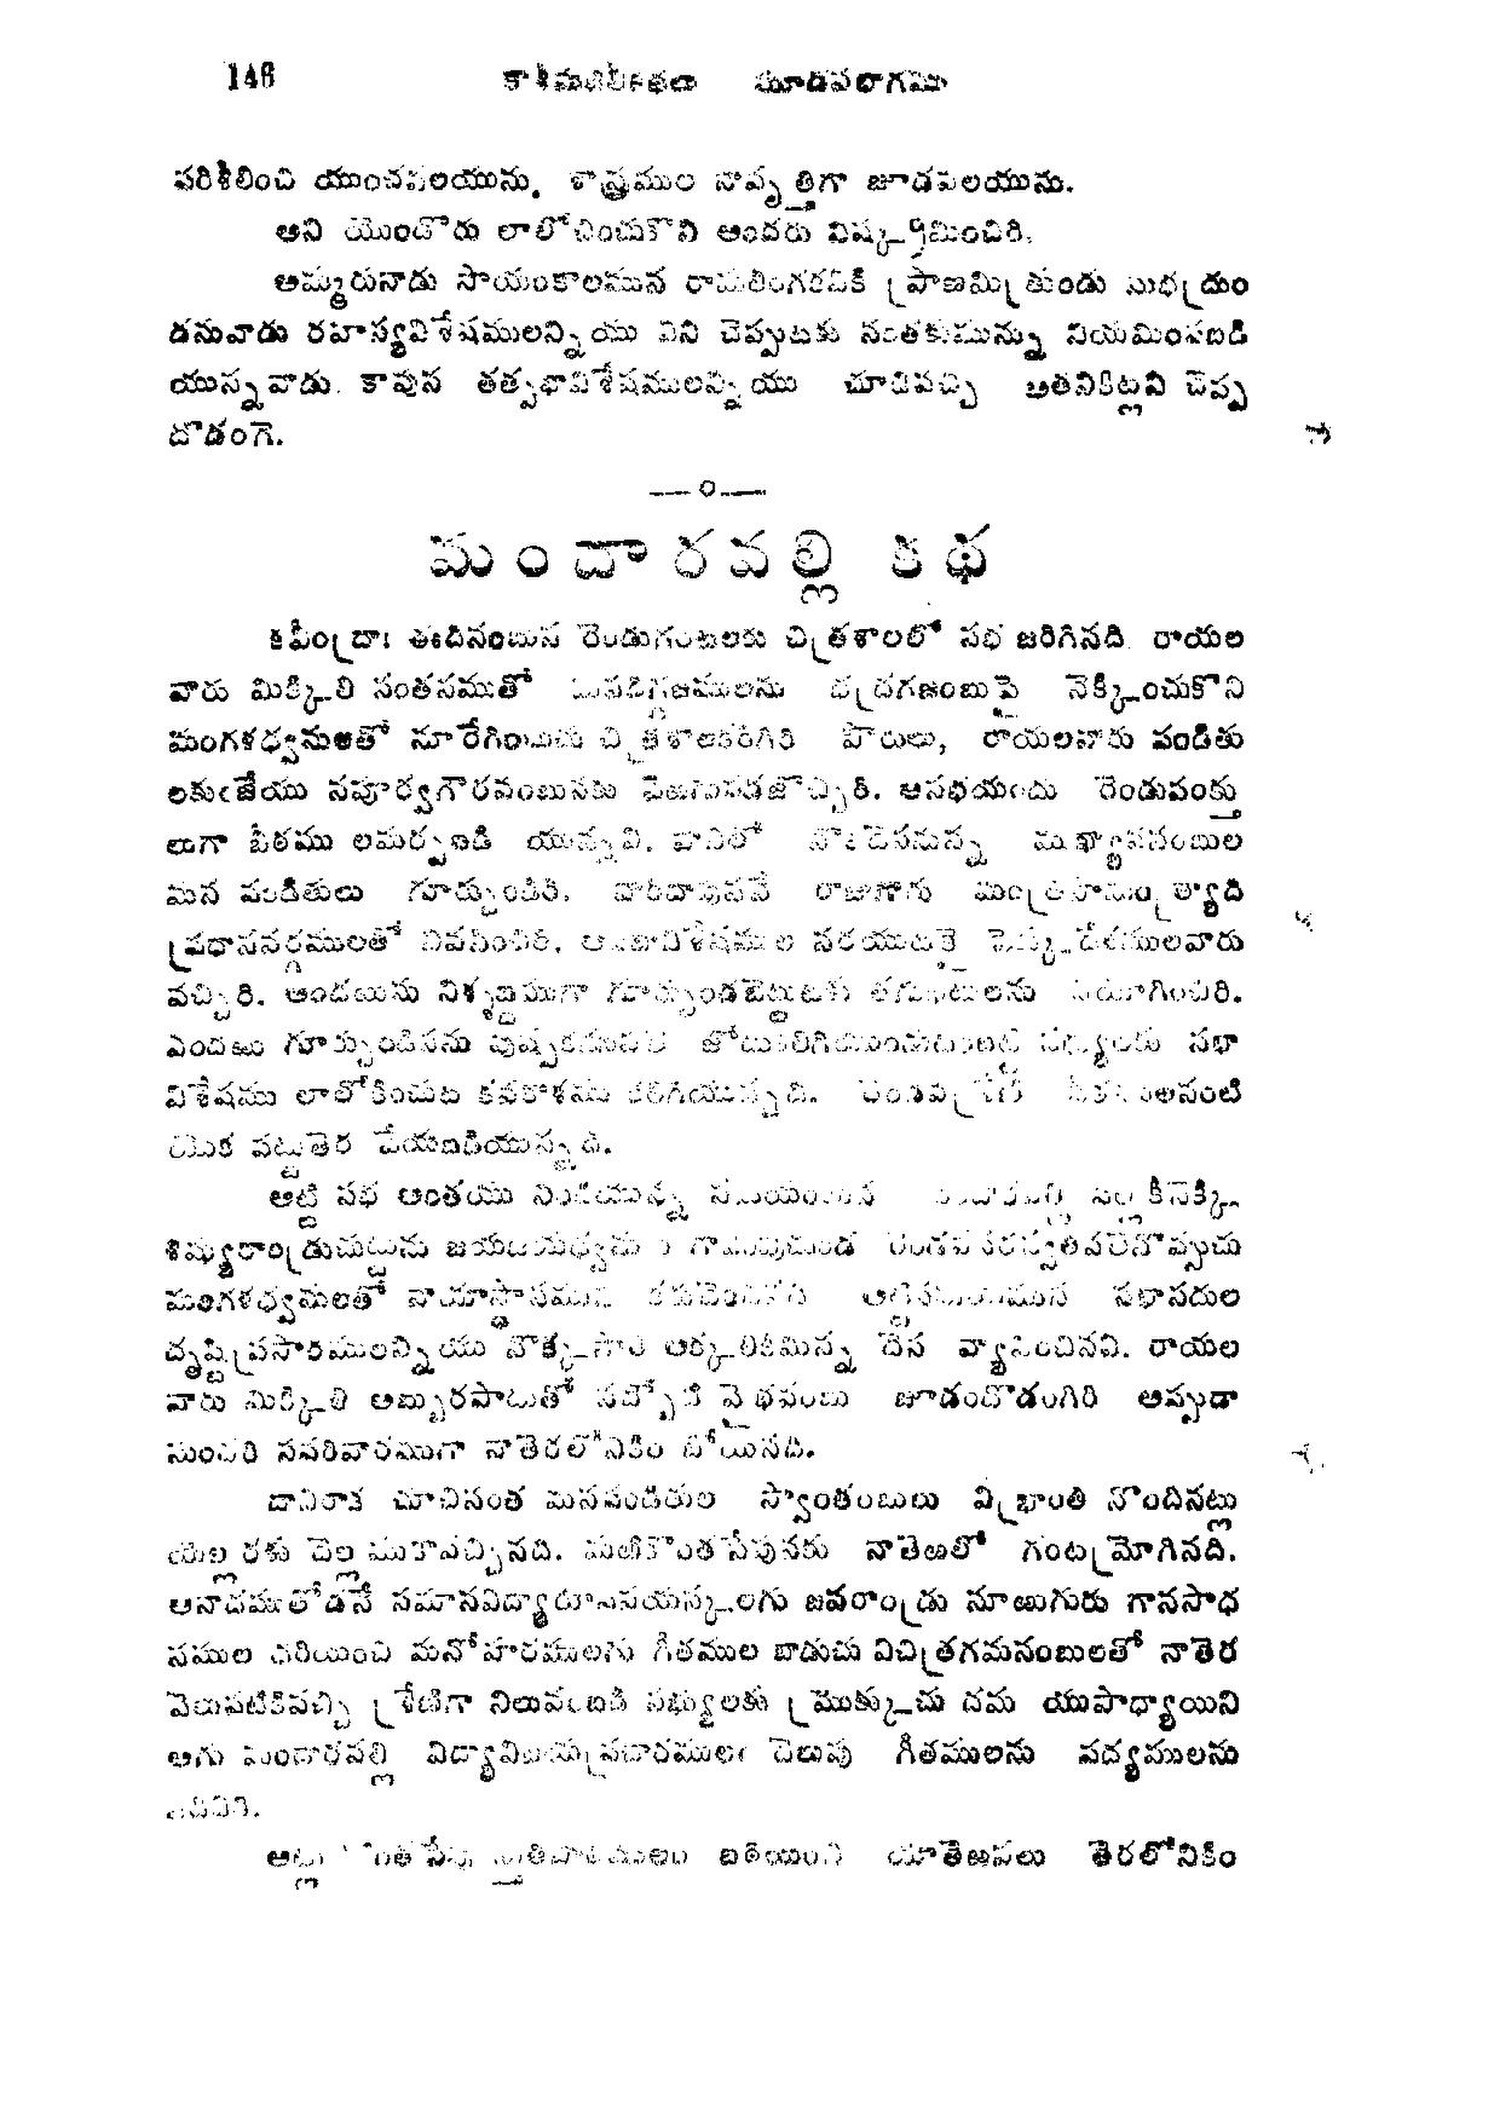పరిశీలించి యుంచవలయును. శాస్త్రముల నావృత్తిగా జూడవలయును.

అని యొండొరు లాలోచించుకొని అందరు నిష్క్రమించిరి.

అమ్మరునాడు సాయంకాలమున రామలింగకవికి ప్రాణమ్మిత్రుండు సుభద్రుం డనువాడు రహస్యవిశేషములన్నియు విని చెప్పుటకు నంతకుమున్ను నియమింపబడి యున్నవాడు కావున తత్సభావిశేషములన్నియు చూచివచ్చి అతనికిట్లని చెప్ప దొడంగె.

మందారవల్లి కథ

కవీంద్రా! ఈదినంబున రెండుగంటలకు చిత్రశాలలో సభ జరిగినది. రాయలవారు మిక్కిలి సంతసముతో మనదిగ్గజములను భద్రగజంబుపై నెక్కించుకొని మంగళధ్వనులతో నూరేగించుచు చిత్రశాలకరిగిరి పౌరులు, రాయలవారు పండితులకుఁజేయు నపూర్వగౌరవంబునకు వెఱగుపడజొచ్చిరి. ఆసభయందు రెండుపంక్తులుగా బీఠము లమర్పబడి యున్నవి. వానిలో నొకదెసనున్న ముఖ్యాసనంబుల మన పండితులు గూర్చుండిరి. వారిదాపుననే రాజుగారు మంత్రసామంత్ర్యాది ప్రధానవర్గములతో నివసించిరి. ఆసభావిశేషముల నరయుటకై పెక్కుదేశములవారు వచ్చిరి. అందఱును నిశ్శబ్దముగా గూర్చుండబెట్టుటకు తగుభటులను నియోగించిరి. ఎందఱు గూర్చుండినను పుష్పకమువలె జోటుకలిగియుండుటంబట్టి సభ్యులకు సభావిశేషము లాలోకించుట కవకాశము కలిగియున్నది. రెండవశ్రేణి పీఠములనంటి యొక పట్టుతెర వేయబడియున్నది.

అట్టి సభ అంతయు నిండియున్న సమయంబున మందారవల్లి పల్లకీనెక్కి శిష్యురాండ్రుచుట్టును జయజయధ్వనుల గావింపుచుండ రెండవసరస్వతివలెనొప్పుచు మంగళధ్వనులతో నాయాస్థానమున కరుదెంచినది. అట్టిసమయమున సభాసదుల దృష్టిప్రసారములన్నియు నొక్కసారి అక్కలికిమిన్న దెస వ్యాపించినవి. రాయలవారు మిక్కిలి అబ్బురపాటుతో నచ్చోటి వైభవంబు జూడందొడంగిరి అప్పుడా
సుందరి సపరివారముగా నాతెరలోనికిం బోయినది.

దానిరాక చూచినంత మనపండితుల స్వాంతంబులు విభ్రాంతి నొందినట్లు యెల్లరకు దెల్లముకావచ్చినది. మఱికొంతసేపునకు నాతెఱలో గంటమ్రోగినది. ఆనాదముతోడనే సమానవిద్యారూపవయస్కలగు జవరాండ్రు నూఱుగురు గానసాధనముల ధరియించి మనోహరములగు గీతముల బాడుచు విచిత్రగమనంబులతో నాతెర వెలుపటికివచ్చి శ్రేణిగా నిలువంబడి సభ్యులకు మ్రొక్కుచు దమ యుపాధ్యాయిని అగు మందారవల్లి విద్యావిజయప్రచారములఁ దెలుపు గీతములను పద్యములను జదివిరి.

అట్లు గొంతసేపు స్తుతిపాఠములం బఠియించి యాతెఱవలు తెరలోనికిం